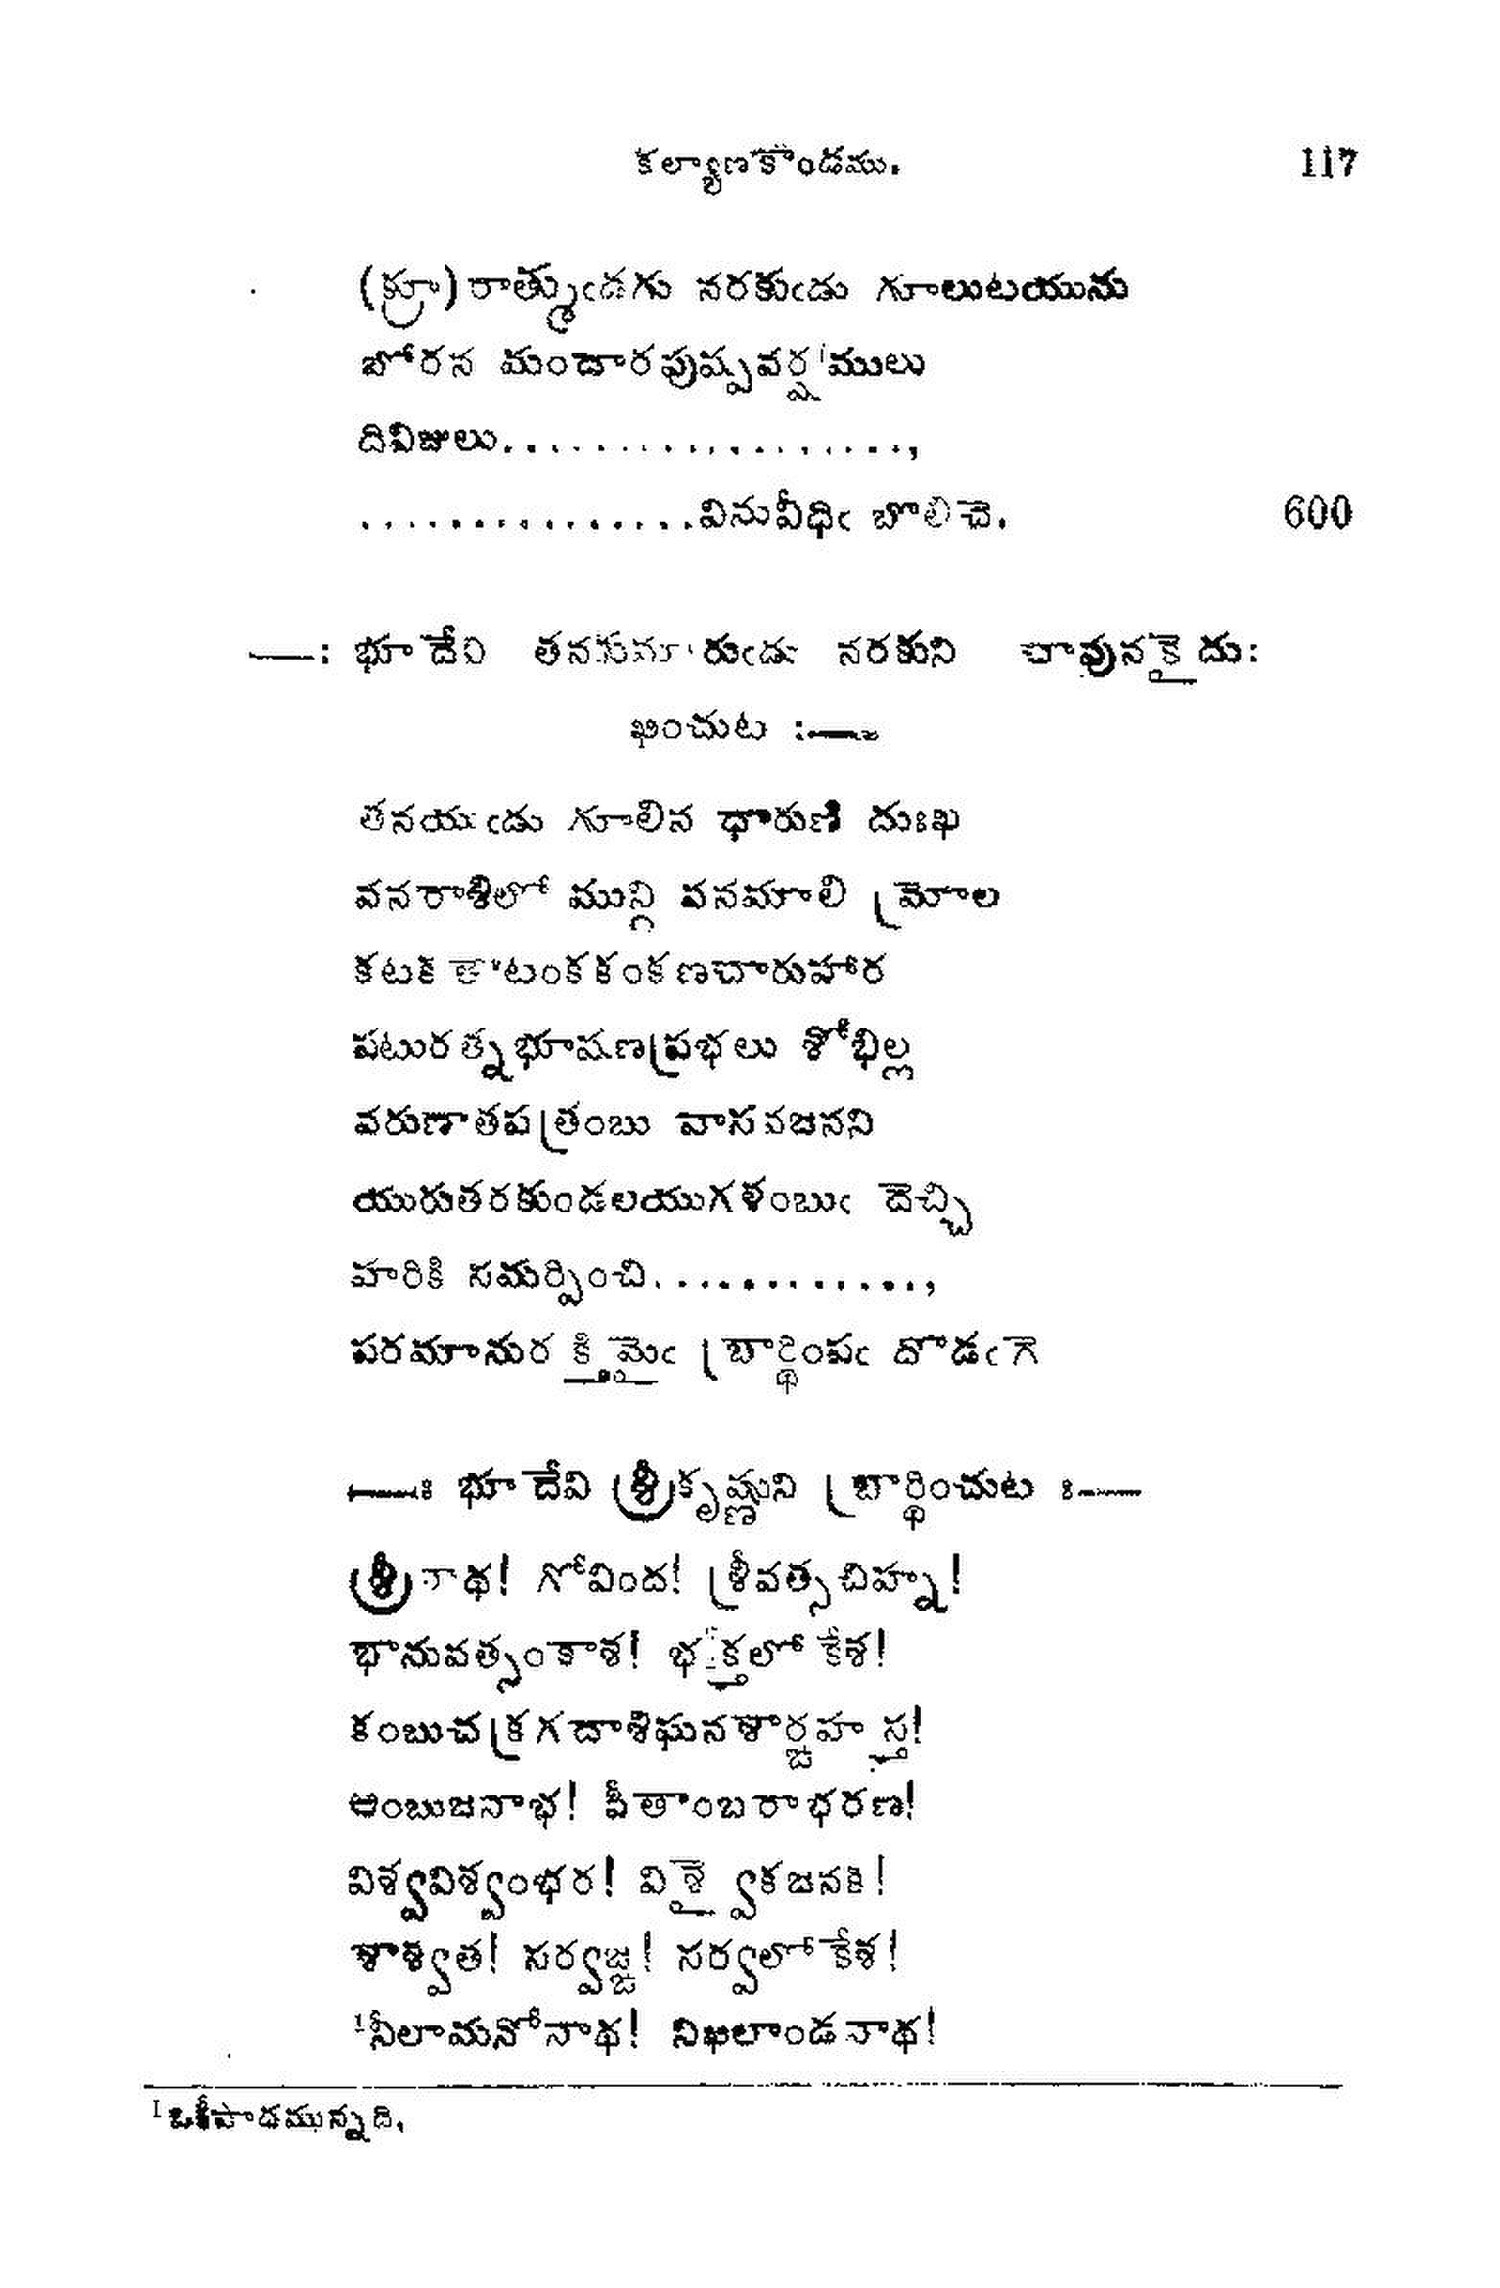(క్రూ)రాత్ముఁడగు నరకుఁడు గూలుటయును
బోరన మందార పుష్పవర్షములు
దివిజులు..............................,
.........................వినువీధిఁ బొలిచె.

తనయుఁడు గూలిన ధారుణి దుఃఖ
వనరాశిలో మున్గి వనమాలి మ్రోల
కటక తాటంక కంకణ చారుహార
పటురత్న భూషణ ప్రభలు శోభిల్ల
వరుణాత పత్రంబు వాసవ జనని
యురుతర కుండల యుగళంబుఁ దెచ్చి
హరికి సమర్పించి.............................,
పరమానురక్తిమైఁ బ్రార్ధింపఁ దొడగె

“శ్రీనాథ! గోవింద! శ్రీవత్సచిహ్న! 
భానువత్సంకాశ! భక్తలోకేశ! 
కంబుచక్రగదాశి ఘనశార్ఙహస్త! 
అంబుజనాభ! పీతాంబరాభరణ! 
విశ్వవిశ్వంభర! విశ్వైకజనక! 
శాశ్వత! సర్వజ్ఞ! సర్వలోకేశ! 
నీలామనోనాథ! నిఖిలాండనాథ!